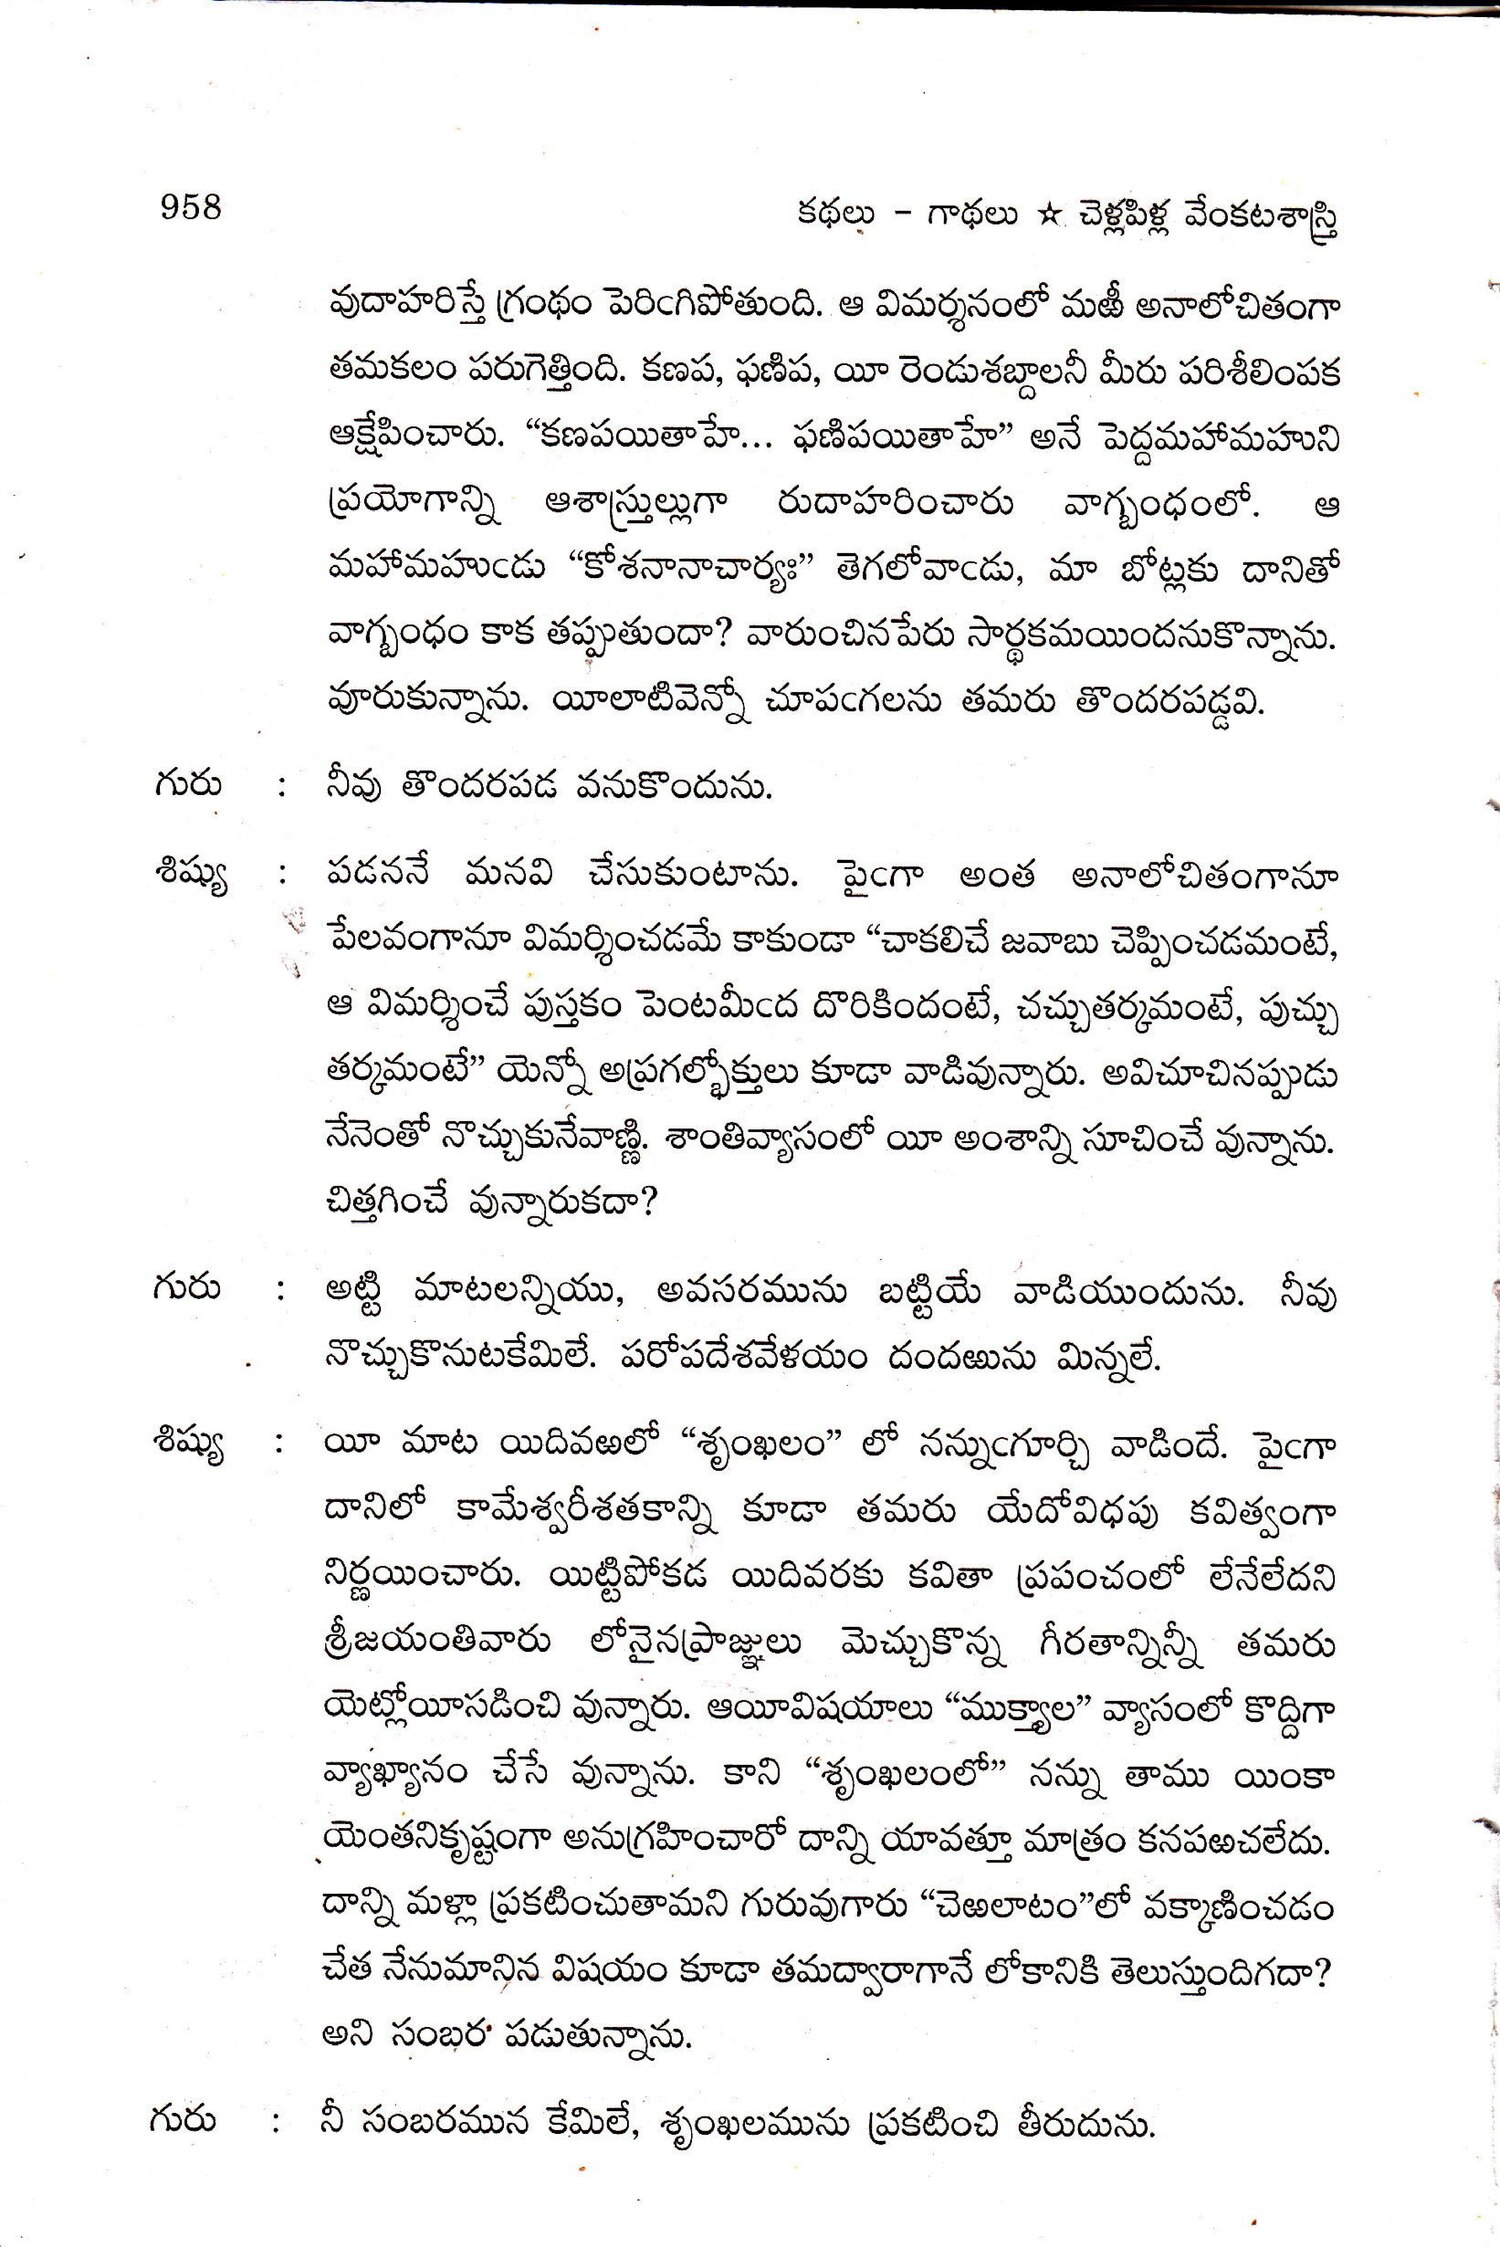వుదాహరిస్తే గ్రంథం పెరిఁగిపోతుంది. ఆ విమర్శనంలో మఱీ అనాలోచితంగా తమకలం పరుగెత్తింది. కణప, ఫణిప, యీ రెండుశబ్దాలనీ మీరు పరిశీలింపక ఆక్షేపించారు. “కణపయితాహే... ఫణిపయితాహే” అనే పెద్దమహామహుని ప్రయోగాన్ని ఆశాస్త్రుల్లుగా రుదాహరించారు వాగ్బంధంలో. ఆ మహామహుఁడు “కోశనానాచార్యః" తెగలోవాఁడు, మా బోట్లకు దానితో వాగ్బంధం కాక తప్పుతుందా? వారుంచినపేరు సార్థకమయిందనుకొన్నాను. వూరుకున్నాను. యీలాటివెన్నో చూపఁగలను తమరు తొందరపడ్డవి.

గురు : నీవు తొందరపడ వనుకొందును.

శిష్యు : పడననే మనవి చేసుకుంటాను. పైఁగా అంత అనాలోచితంగానూ పేలవంగానూ విమర్శించడమే కాకుండా "చాకలిచే జవాబు చెప్పించడమంటే, ఆ విమర్శించే పుస్తకం పెంటమీఁద దొరికిందంటే, చచ్చుతర్కమంటే, పుచ్చు తర్కమంటే" యెన్నో అప్రగల్భోక్తులు కూడా వాడివున్నారు. అవిచూచినప్పుడు నేనెంతో నొచ్చుకునేవాణ్ణి. శాంతివ్యాసంలో యీ అంశాన్ని సూచించే వున్నాను. చిత్తగించే వున్నారుకదా?

గురు : అట్టి మాటలన్నియు, అవసరమును బట్టియే వాడియుందును. నీవు నొచ్చుకొనుటకేమిలే. పరోపదేశవేళయం దందఱును మిన్నలే.

శిష్యు : యీ మాట యిదివఱలో “శృంఖలం" లో నన్నుఁగూర్చి వాడిందే. పైఁగా దానిలో కామేశ్వరీశతకాన్ని కూడా తమరు యేదోవిధపు కవిత్వంగా నిర్ణయించారు. యిట్టిపోకడ యిదివరకు కవితా ప్రపంచంలో లేనేలేదని శ్రీజయంతివారు లోనైనప్రాజ్ఞులు మెచ్చుకొన్న గీరతాన్నిన్నీ తమరు యెట్లోయీసడించి వున్నారు. ఆయీవిషయాలు “ముక్త్యాల" వ్యాసంలో కొద్దిగా వ్యాఖ్యానం చేసే వున్నాను. కాని "శృంఖలంలో" నన్ను తాము యింకా
యెంతనికృష్టంగా అనుగ్రహించారో దాన్ని యావత్తూ మాత్రం కనపఱచలేదు. దాన్ని మళ్లా ప్రకటించుతామని గురువుగారు "చెఱలాటం"లో వక్కాణించడం చేత నేనుమానిన విషయం కూడా తమద్వారాగానే లోకానికి తెలుస్తుందిగదా? అని సంబర పడుతున్నాను.

గురు : నీ సంబరమున కేమిలే, శృంఖలమును ప్రకటించి తీరుదును.